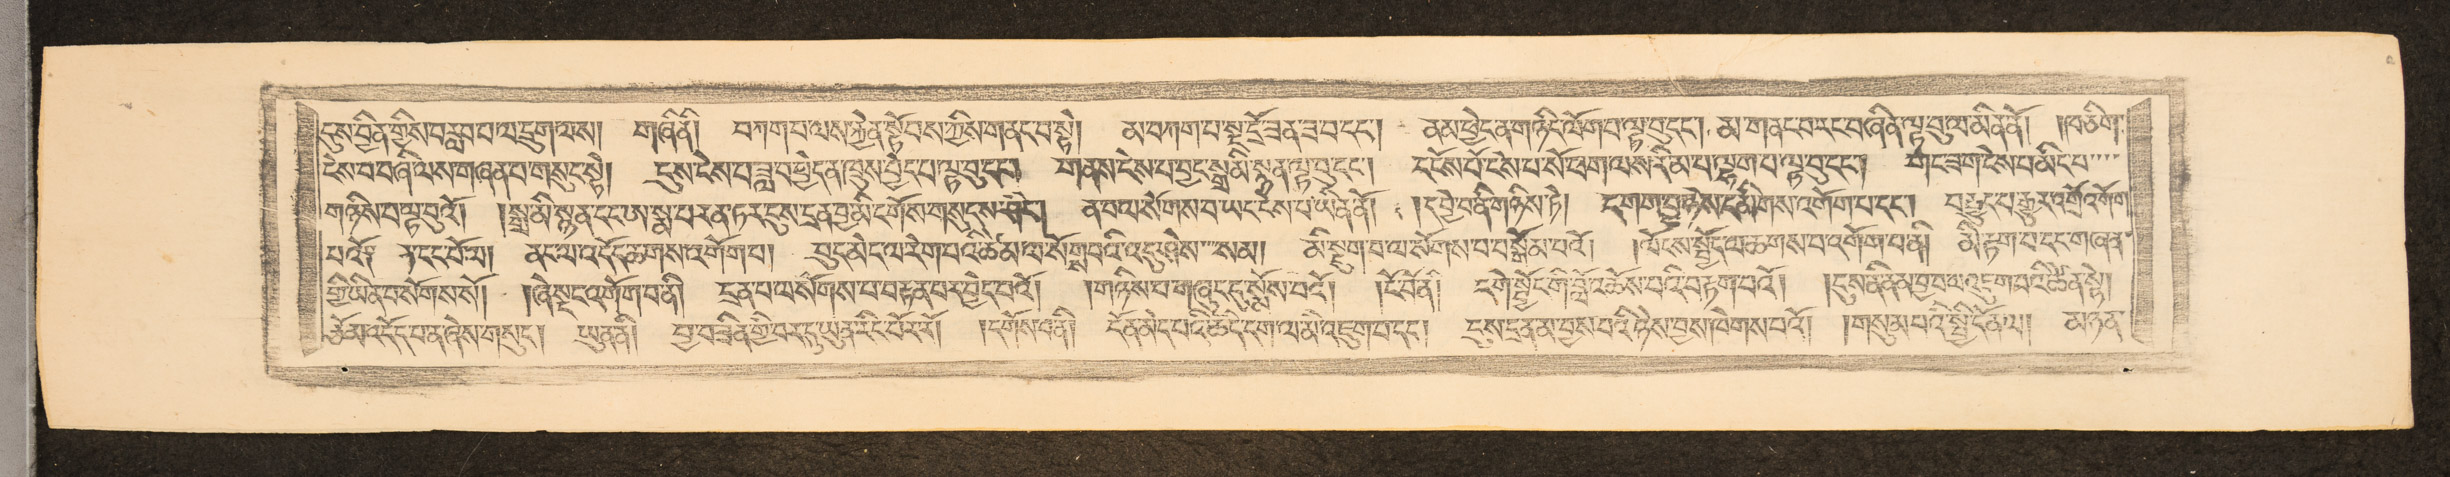དུས་བྱིན་གྱིས་བརླབ་པ་ལ་དྲུག་ལས། གཞི་ནི། བཀག་པ་ལས་རྐྱེན་སྟོབས་ཀྱིས་གནང་བ་སྟེ། མ་བཀག་པ་སྔ་དྲོ་ཟན་ཟབ་དང་། ནམ་ཕྱེད་ན་གཉིད་ལོག་པ་ལྟ་བུ་དང་། མ་གནང་བ་རང་བཞིན་ལྟ་བུ་ལ་མིན་ནོ། །ཁ་ཅིག་
དེས་པ་བཞི་ལས་གཞན་པ་གསུང་སྟེ། དུས་ངེས་པ་ཟླ་བ་ཕྱེད་ན་ཁྲུས་བྱེད་པ་ལྟ་བུ་དང་། གནས་ངེས་པ་བྱང་སྒྲ་མི་སྙན་ལྟ་བུ་དང་། དངོས་པོ་ངེས་པ་སོ་ཕག་ལས་རིམ་པ་ལྷག་པ་ལྟ་བུ་དང་། གང་ཟག་ངེས་པ་མིང་པ་
གཉིས་པ་ལྟ་བུའོ། །སྒྲ་མི་སྙན་དང་ཨ་སྨ་བ་རན་ཏར་དུས་དྲན་བྱ་མི་དགོས་གསུངས་ཤིང་། ན་བ་ལ་སོགས་པ་ཡང་ངས་པ་ཡིན་ནོ། །དབྱེ་བ་ནི་གཉིས་ཏེ། དགག་བྱ་ཉེས་དམིགས་འགོག་པ་དང་། བརྒྱུད་པ་རྒྱུར་འགྲོ་འགོག་
པའོ༑ ༑དང་པོ་ལ། ནང་ལ་འདོད་ཆགས་འགོག་པ། བུད་མེད་ལ་རེག་པའི་ཚེམ་ལ་སོགས་པའི་འདུ་ཤེས་སམ། མི་སྡུག་པ་ལ་སོགས་པ་བསྒོམ་པའོ། །ལོངས་སྦྱོད་ལ་ཆགས་པ་འགོག་པ་ནི། མི་རྟག་པ་དང་གཞན་
གྱི་མིན་པ་སོགས་སོ། །ཞེས་སང་འགོག་པ་ནི། དྲན་པ་ལ་སོགས་པ་བརྟན་པར་བྱེད་པའོ། །གཉིས་པ་གཞུང་དུ་སྨོས་པའོ། །ངོ་བོ་ནི། དགེ་སྦྱོང་གི་བློ་འཆོས་པའི་བརྟག་པའོ། །དུས་ནི་ནམ་བྱ་བ་ལ་འཇུག་པའི་ཚེ་ན་སྟེ།
རྩོམ་འདོད་པ་ན་ཞེས་གསུང་། ཡུན་ནི། བྱ་བ་ཟིན་གྱི་བར་དུ་ཡུན་རིང་པོར་རོ། །དགོས་པ་ནི། དོན་མེད་པའི་ཚེད་དག་ལ་མི་འཇུག་པ་དང་། དུས་དྲན་མ་བྱས་པའི་ཉེས་བྱས་ཁེགས་པའོ། །གསུམ་པའི་སྦྱི་དོན་ལ། མཉན་